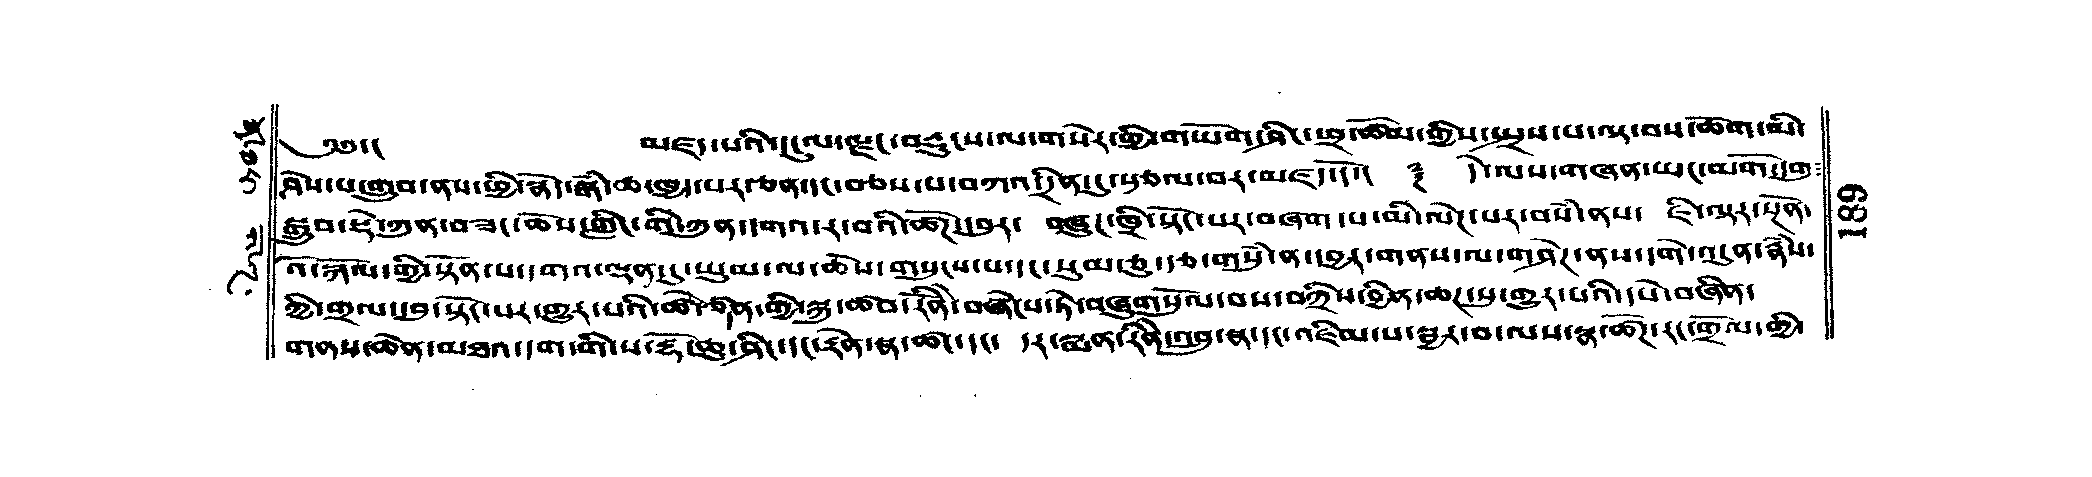མཛད་པའི་དངུལ་ལྗང་བརྡུངས་ལ་གསེར་གྱི་གཡོགས་ཤིང་ཕྲ་ཚོམ་གྱིས་སྤྲས་པ་ལྟ་བས་ཆོག་མི་
ཤེས་པ་གྲུབ་ནས་ཕྱི་སྣོད་སྒམ་ཆ་ཁྱད་པར་ཅན་དང་བཅས་པ་བཀའ་དྲིན་དུ་བསྩལ་བར་མཛད་དོ།༈ དེ་ལས་གཞན་ཡང་མགོ་དགུ་
སྒྲུབ་སྡེ་ཀུན་བཟང་ཆོས་གླིང་གི་ཀུན་དགའ་ར་བའི་ཚོགས་དབུར། བཞུགས་ཁྲི་སྟོང་པར་བཞག་པ་མི་ལེགས་པར་བསམ་ནས། ཇི་ལྟར་སྔོན་
འོ་སྐོལ་གྱི་སྟོན་པ་དགའ་ལྡན་དུ་ཡུམ་ལ་ཆོས་གསུང་པ་དང་སུམ་ཅུ་རྩ་གསུམ་ན་དབྱར་གནས་ལ་གཤེགས་ནས་དགེ་འདུན་རྣམས་
ཀྱི་གྲལ་དབུ་སྟོང་པར་གྱུར་པའི་ཚེ་ཙནྡན་གྱི་སྐུ་ཚབ་རིན་པོ་ཆེ་བཞེངས་ཏེ་བཞུགས་སུ་གསོལ་བས་བཀྲ་ཤིས་བྱིན་ཆགས་སུ་གྱུར་པའི་དཔེ་བཞིན་
གནས་ཆེན་མཐའ་དག་གི་ས་རྡོ་ཆུ་ཤིང་དང་། རྟེན་སྣ་ཚང་དང་། དར་སྨན་རིན་ཆེན་འབྲུ་སྣང་དང་འཇིམ་པ་སྦྱར་བ་ལས་སྣ་ཚོགས་རང་གྲོལ་གྱི་